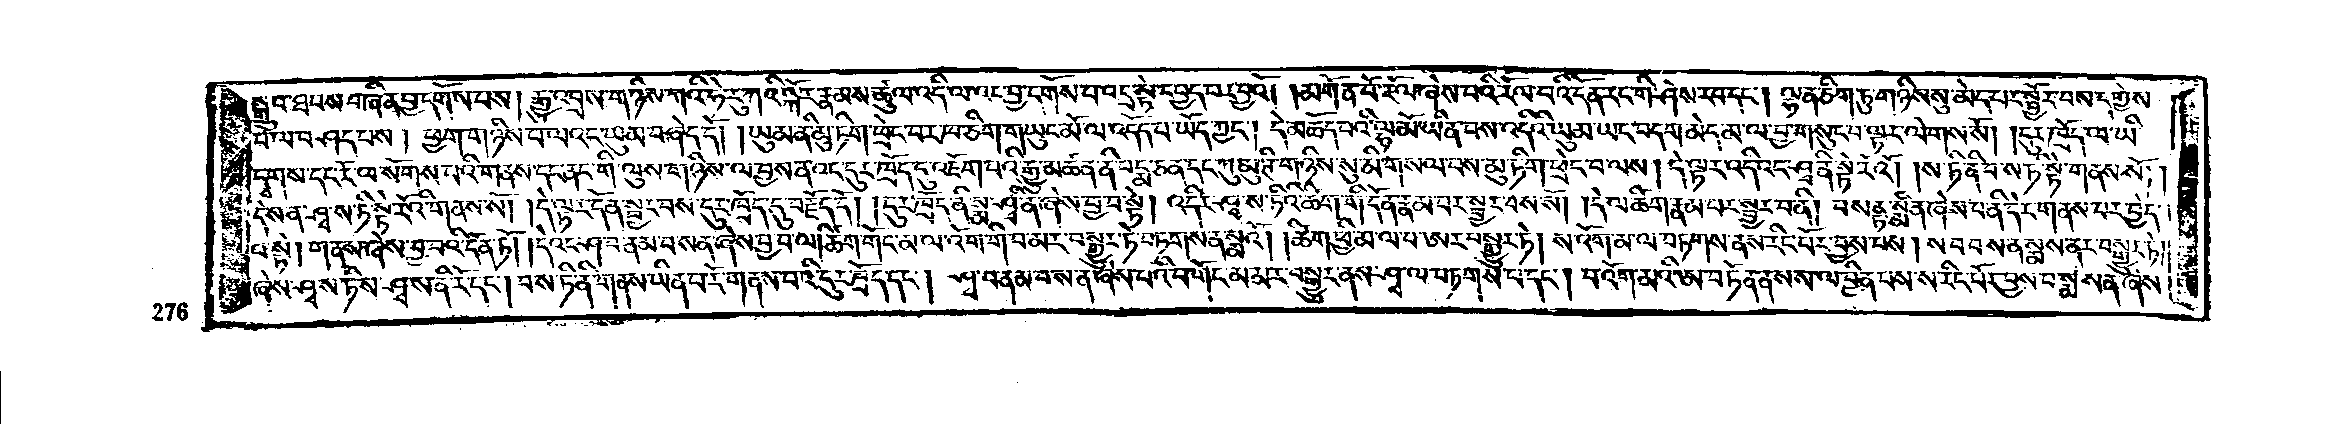སྒྲུབ་ཐབས་བཞིན་བྱ་དགོས་པས། རྒྱུ་འབྲས་གཉིས་ཀའི་ཧེ་རུ་ཀའི་སྐོར་རྣམས་ཚུལ་འདི་ལའང་བྱ་དགོས་པ་འདྲ་སྟེ་དཔྱད་པར་བྱའོ། །མགོན་པོ་རོལ་ཞེས་པའི་རོལ་བའི་དོན་རང་གི་ཤེས་རབ་དང་། ལྷན་ཅིག་ཏུ་གཉིས་སུ་མེད་པར་སྦྱོར་བས་དགྱེས་
པ་ལ་བཤད་པས། ཕྱག་གཉིས་པ་ལའང་ཡུམ་བཞེད་དོ། །ཡུམ་ནི་མུ་ཏིག་ཕྲེང་བར་ཁ་ཅིག་གཡུང་མོ་ལ་འདོད་པ་ཡོད་ཀྱང་། དེ་མཆོད་པའི་ལྷ་མོ་ཡིན་པས་འདིའི་ཡུམ་ཡང་བདག་མེད་མ་ལ་བྱ་གསུང་པ་ལྟར་ལེགས་སོ། །དུར་ཁྲོད་ལ་ཡ་
དྭགས་དང་རོ་ལ་སོགས་པའི་གནས་དང་ནང་གི་ལུས་གཉིས་ལ་བྱས་ན་འང་དུར་ཁྲོད་དུ་འཇོག་པའི་རྒྱུ་མཚན་ནི་པདམ་ཅན་དང་ཀུ་མུ་ཊི་གཉིས་སུ་མི་གསལ་བས་མུ་ཏིག་ཕྲེང་བ་ལས། དེ་ལྟར་འདིའང་ཤྭ་ནི་སྟེ་རེའོ། །ས་ཏི་ནི་བ་ས་ཏི་སྟེ་གནས་སོ། །
དེས་ན་ཤྭ་ས་ཏི་སྟེ་རོའི་གནས་སོ། །དེ་ལྟར་དོན་སྦྱར་བས་དྲུ་ཁྲོད་དུ་བརྗོད་དོ། །དྲུ་ཁྲོད་ནི་སྨ་ཤྭ་ནི་ཞེས་བྱ་བ་སྟེ། འདིར་ཤྭ་ས་ཏིའི་ཚིག་གི་དོན་རྣམ་པར་སྦྱར་བས་སོ། །དེ་ལ་ཚིག་རྣམ་པར་སྦྱར་བ་ནི། བསནྟ་སྨིན་ཞེས་པ་ནི་དེར་གནས་པར་བྱེད་
པ་སྟེ། གནས་ཞེས་བྱ་བའི་དོན་ཏོ། །དེའང་ཤ་བ་ནམ་བ་སན་ཞེས་བྱ་བ་ལ། ཚིག་གོང་མ་ལ་འོག་གི་བ་མར་བསྒྱུར་ཏེ་བཏགས་ན་སྨའོ། །ཚིག་ཕྱི་མ་ལ་བ་ཨར་བསྒྱུར་ཏེ། ས་འོག་མ་ལ་བཏགས་ནས་རིང་པོར་བྱས་པས། སབ་བ་ས་ན་སྨས་ནར་བསྒྱུར་ཏེ།
ཞེས་ཤྭ་ས་ཏིས་ཤྭ་ས་ནི་རོ་དང་། བ་ས་ཏི་ནི་གནས་ཡིན་པ་རོ་གནས་པའི་དུར་ཁྲོད་དང་། ཤྭ་བ་ནམ་བ་ས་ན་ཞེས་པའི་བ་གོང་མ་མར་བསྒྱུར་ནས་ཤྭ་ལ་བཏགས་པ་དང་། བ་འོག་མའི་ཨ་བཏོན་ནས་ས་ལ་བྱིན་པས་ས་རིང་པོར་བྱས་པ་སྨས་ན་ཞེ་